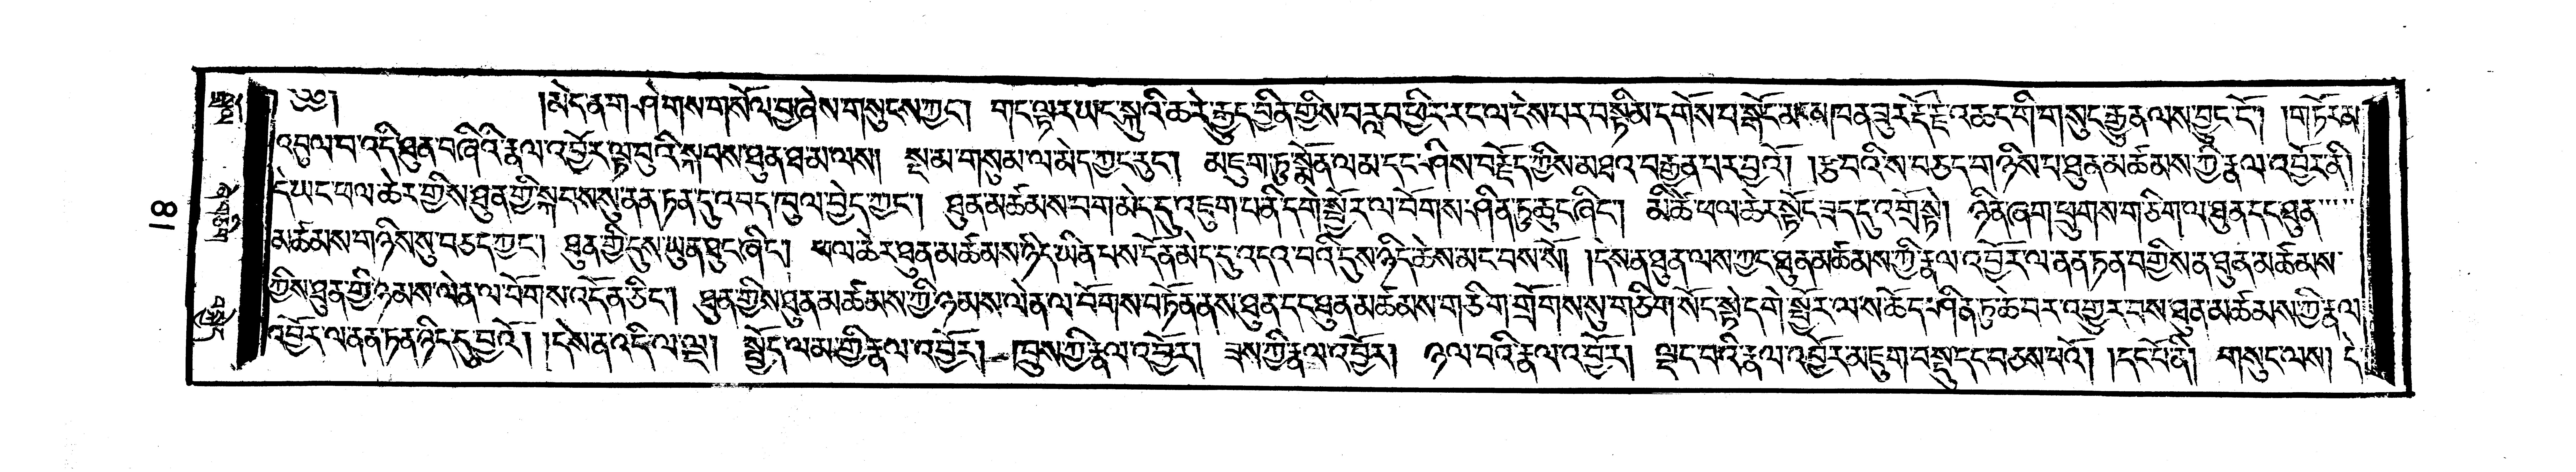༄༅། །མེད་ན་གཤེགས་གསོལ་བྱ་ཞེས་གསུངས་ཀྱང་། གང་ལྟར་ཡང་སྐུའི་ཆ་རེ་རྒྱུད་བྱིན་གྱིས་བརླབ་ཕྱིར་རང་ལ་ངེས་པར་བསྟིམ་དགོས་པ་སྒོ་མང་མཁན་ཟུར་རྡོ་རྗེ་འཆང་གི་གསུང་རྒྱུད་ལས་བྱུང་ངོ། །གཏོར་མ་
འབུལ་བ་འདི་ཐུན་བཞིའི་རྣལ་འབྱོར་ལྟ་བུའི་སྐབས་ཐུན་ཐ་མ་ལས། སྔ་མ་གསུམ་ལ་མེད་ཀྱང་རུང་། མཇུག་ཏུ་སྨོན་ལམ་དང་ཤིས་བརྗོད་ཀྱིས་མཐའ་བརྒྱན་པར་བྱའོ། །རྩ་བའི་ས་བཅང་གཉིས་པ་ཐུན་མཚམས་ཀྱི་རྣལ་འབྱོར་ནི།
དེ་ཡང་ཕལ་ཆེར་གྱིས་ཐུན་གྱི་སྐབས་སུ་ནན་ཏན་དུ་འབད་ཁུལ་བྱེད་ཀྱང་། ཐུན་མཚམས་བག་མེད་དུ་འཇུག་པ་ནི་དགེ་སྦྱོར་ལ་བོགས་ཤིན་ཏུ་ཆུང་ཞིང་། མི་ཚེ་ཕལ་ཆེར་སྟོང་ཟད་དུ་འགྲོ་སྟེ། ཉིན་ཞག་ཕྲུགས་གཅིག་ལ་ཐུན་དང་ཐུན་
མཚམས་གཉིས་སུ་བཅད་ཀྱང་། ཐུན་གྱི་དུས་ཡུན་ཐུང་ཞིང་། ཕལ་ཆེར་ཐུན་མཚམས་ཉིད་ཡིན་པས་དོན་མེད་དུ་འདའ་བའི་དུས་ཉིད་ཆེས་མང་བས་སོ། །དེས་ན་ཐུན་ལས་ཀྱང་ཐུན་མཚམས་ཀྱི་རྣལ་འབྱོར་ལ་ནན་ཏན་བགྱིས་ན་ཐུན་མཚམས་
ཀྱིས་ཐུན་གྱི་ཉམས་ལེན་ལ་བོགས་འདོན་ཅིང་། ཐུན་གྱིས་ཐུན་མཚམས་ཀྱི་ཉམས་ལེན་ལ་བོགས་བཏོན་ནས་ཐུན་དང་ཐུན་མཚམས་གཅིག་གྲོགས་སུ་གཅིག་སོང་སྟེ་དགེ་སྦྱོར་ལ་ས་ཆོད་ཤིན་ཏུ་ཆེ་བར་འགྱུར་བས་ཐུན་མཚམས་ཀྱི་རྣལ་
འབྱོར་ལ་ནན་ཏན་ཉིད་དུ་བྱའོ། །དེས་ན་འདི་ལ་ལྔ། སྤྱོད་ལམ་གྱི་རྣལ་འབྱོར། ཁྲུས་ཀྱི་རྣལ་འབྱོར། ཟས་ཀྱི་རྣལ་འབྱོར། ཉལ་བའི་རྣལ་འབྱོར། ལྡང་བའི་རྣལ་འབྱོར་མཇུག་བསྡུ་དང་བཅས་པའོ། །དང་པོ་ནི། གསུང་ལས། དེ་